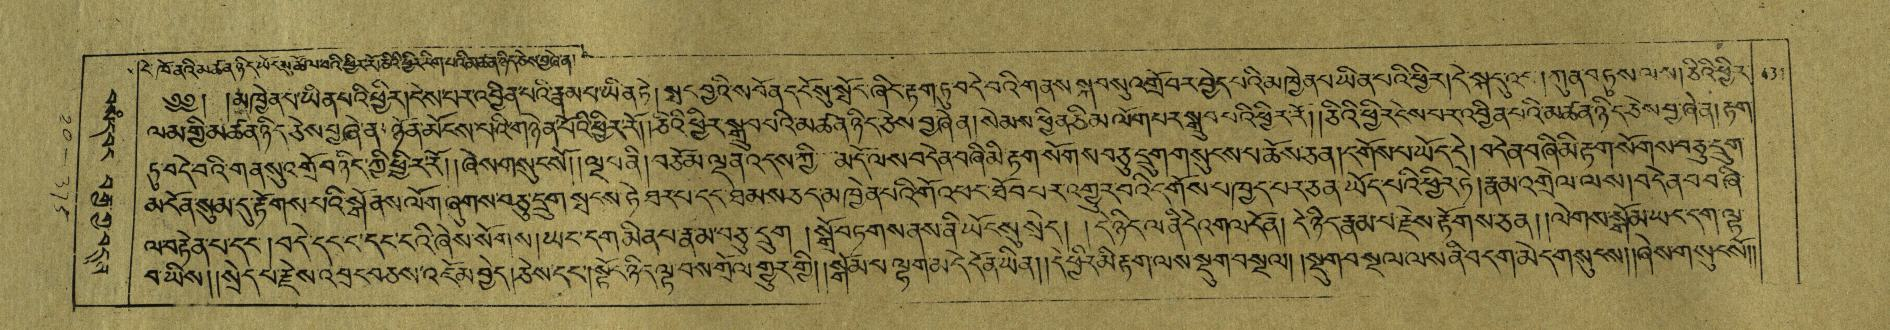༄༅། །མཁྱེན་པ་ཡིན་པའི་ཕྱིར། ངེས་པར་འབྱིན་པའི་རྣམ་པ་ཡིན་ཏེ། སྤང་བྱའི་ས་བོན་དངོསུ་སྤོང་ཞིང་རྟག་ཏུ་བདེ་བའི་གནས་སྐབསུ་འགྲོ་བར་བྱེད་པའི་མཁྱེན་པ་ཡིན་པའི་ཕྱིར། དེ་སྐདུ་འང་། ཀུན་བཏུས་ལས། ཅིའི་ཕྱིར་
ལམ་གྱི་མཚན་ཉིད་ཅེས་བྱ་ཞེ་ན་དེ་ཁོ་ནའི་མཚན་ཉིད་ཡོངྶུ་ཚོལ་བའི་ཕྱིར་རོ། ཅིའི་ཕྱིར་རིག་པའི་མཚན་ཉིད་ཅེས་བྱ་ཞ་ན།  ཉོན་མོངས་པའི་གཉེན་པོའི་ཕྱིར་རོ། །ཅིའི་ཕྱིར་སྒྲུབ་པའི་མཚན་ཉིད་ཅེས་བྱ་ཞེ་ན། སེམས་ཕྱིན་ཅི་མ་ལོག་པར་སྒྲུབ་པའི་ཕྱིར་རོ། །ཅིའི་ཕྱིར་ངེས་པར་འབྱིན་པའི་མཚན་ཉིད་ཅེས་བྱ་ཞེ་ན། རྟག་
ཏུ་བདེ་བའི་གནསུ་འགྲོ་བ་ཉིད་ཀྱི་ཕྱིར་རོ། །ཞེས་གསུངྶོ། །ལྔ་པ་ནི། བཅོམ་ལྡན་འདས་ཀྱི་མདོ་ལས་བདེན་བཞི་མི་རྟག་སོགས་བཅུ་དྲུག་གསུངས་པ་ཆོས་ཅན། དགོས་པ་ཡོད་དེ། བདེན་བཞི་མི་རྟག་སོགས་བཅུ་དྲུག་
མངོན་སུམ་དུ་རྟོགས་པའི་སྒོ་ནས་ལོག་ཞུགས་བཅུ་དྲུག་སྤངས་ཏེ་ཐར་པ་དང་ཐམས་ཅད་མཁྱེན་པའི་གོ་འཕང་ཐོབ་པར་འགྱུར་བའི་དགོས་པ་ཁྱད་པར་ཅན་ཡོད་པའི་ཕྱིར་ཏེ་།རྣམ་འགྲེལ་ལས། བདེན་པ་བཞི་
ལ་བརྟེན་པ་དང་། བདེ་དང་ང་དང་ངའི་ཞེས་སོགས། ཡང་དག་མིན་པ་རྣམ་བཅུ་དྲུག །སྒྲོ་བཏགས་ནས་ནི་ཡོངྶུ་སྲེད། །དེ་ཉིད་ལ་ནི་དེ་འགལ་དོན། དེ་ཉིད་རྣམ་པ་རྗེས་རྟོགས་ཅན། །ལེགས་སྒོམ་ཡང་དག་ལྟ་
བ་ཡིས། །སྲེད་པ་རྗེས་འབྲང་བཅས་འཇོམ་བྱེད། ཅེས་དང་། སྟོང་ཉིད་ལྟ་བས་གྲོལ་གྱུར་གྱི། །སྒོམ་པ་ལྷག་མ་དེ་དོན་ཡིན། །དེ་ཕྱིར་མི་རྟག་ལས་སྡུག་བསྔལ། །སྡུག་བསྔལ་ལས་ནི་བདག་མེད་གསུངས། །ཞེས་གསུངྶོ།།